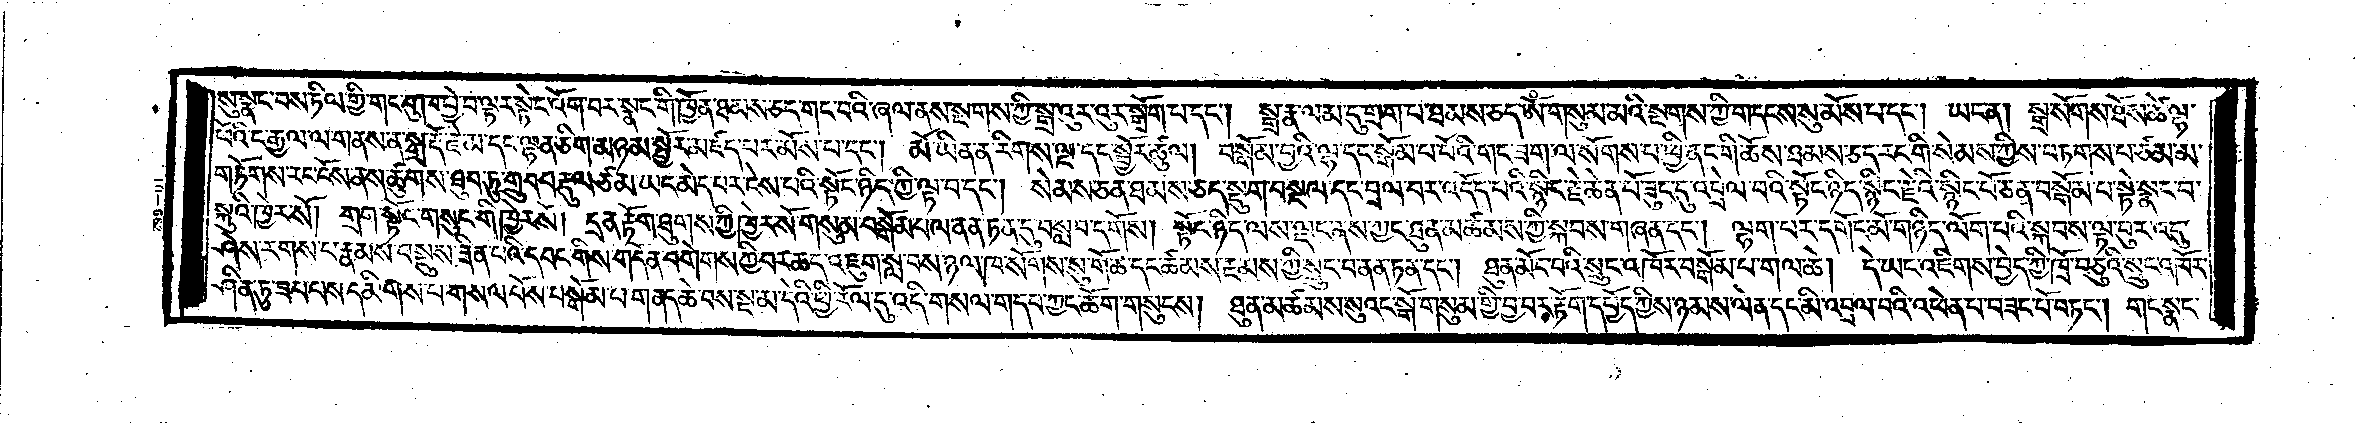སུ་སྣང་བས་ཏིལ་གྱི་གང་བུ་ཁ་ཕྱེ་བ་ལྟར་སྟེང་འོག་བར་སྣང་གི་ཁྱོན་ཐམས་ཅད་གང་བའི་ཞལ་ནས་སྔགས་ཀྱི་སྒྲ་འུར་འུར་སྒྲོག་པ་དང་། སྒྲ་རྣ་ལམ་དུ་གྲག་པ་ཐམས་ཅད་ཨོཾ་གསུམ་མའི་སྔགས་ཀྱི་གདངས་སུ་མོས་པ་དང་། ཡང་ན། སྒྲ་སོགས་ཐོས་ཚེ་ལྷ་
ཕོའི་ང་རྒྱལ་ལ་གནས་ན་སྒྲ་རྡོ་རྗེ་མ་དང་ལྷན་ཅིག་མཉམ་སྦྱོར་མཛད་པར་མོས་པ་དང་། མོ་ཡིན་ན་རིགས་ལྔ་དང་སྦྱོར་ཚུལ། བསྒོམ་བྱའི་ལྷ་དང་སྒོམ་པ་པོའི་གང་ཟག་ལ་སོགས་པ་ཕྱི་ནང་གི་ཆོས་ཐམས་ཅད་རང་གི་སེམས་ཀྱིས་བཏགས་པ་ཙམ་མ་
གཏོགས་རང་ངོས་ནས་ཚུགས་ཐུབ་ཏུ་གྲུབ་པ་རྡུལ་ཙམ་ཡང་མེད་པར་ངེས་པའི་སྟོང་ཉིད་ཀྱི་ལྟ་བ་དང་། སེམས་ཅན་ཐམས་ཅད་སྡུག་བསྔལ་དང་བྲལ་བར་འདོད་པའི་སྙིང་རྗེ་ཆེན་པོ་ཟུང་དུ་འབྲེལ་བའི་སྟོང་ཉིད་སྙིང་རྗེའི་སྙིང་པོ་ཅན་བསྒོམ་པ་སྟེ་སྣང་བ་
སྐུའི་ཁྱེར་སོ། གྲག་སྟོང་གསུང་གི་ཁྱེར་སོ། དྲན་རྟོག་ཐུགས་ཀྱི་ཁྱེར་སོ་གསུམ་བསྒོམ་པ་ལ་ནན་ཏན་དུ་བསླབ་དགོས། སྟོང་ཉིད་ལས་ལྡང་ནས་ཀྱང་ཐུན་མཚམས་ཀྱི་སྐབས་གཞན་དང་། ལྷག་པར་དགོང་མོ་གཉིད་ལོག་པའི་སྐབས་ལྟ་བུར་འདུ་
ཤེས་རགས་པ་རྣམས་བསྡུས་ཟིན་པའི་དབང་གིས་གདོན་བགེགས་ཀྱི་བར་ཆད་འཇུག་སླབས་ཉལ་ཁ་སོགས་སུ་གོ་ཆ་དང་ཚམས་རྔ་མས་ཀྱི་སྲུང་བ་ནན་ཏན་དང་། ཐུན་མོང་བའི་སྲུང་འཁོར་བསྒོམ་པ་གལ་ཆེ། དེ་ཡང་འཇིགས་བྱེད་ཀྱི་ཁྲོ་བཅུའི་སྲུང་འཁོར་
ཤིན་ཏུ་ཟབ་པས་དམིགས་པ་གསལ་པོས་བསྒོམ་པ་གནད་ཆེ་བས་སྔ་མ་དེའི་ཕྱི་རོལ་དུ་འདི་གསལ་གདབ་ཀྱང་ཆོག་གསུངས། ཐུན་མཚམས་སུའང་སྒོ་གསུམ་གྱི་བྱ་བར་རྟོག་དཔྱོད་ཀྱིས་ཉམས་ལེན་དང་མི་འབྲལ་བའི་འཕེན་པ་བཟང་པོ་བཏང་། གང་སྣང་